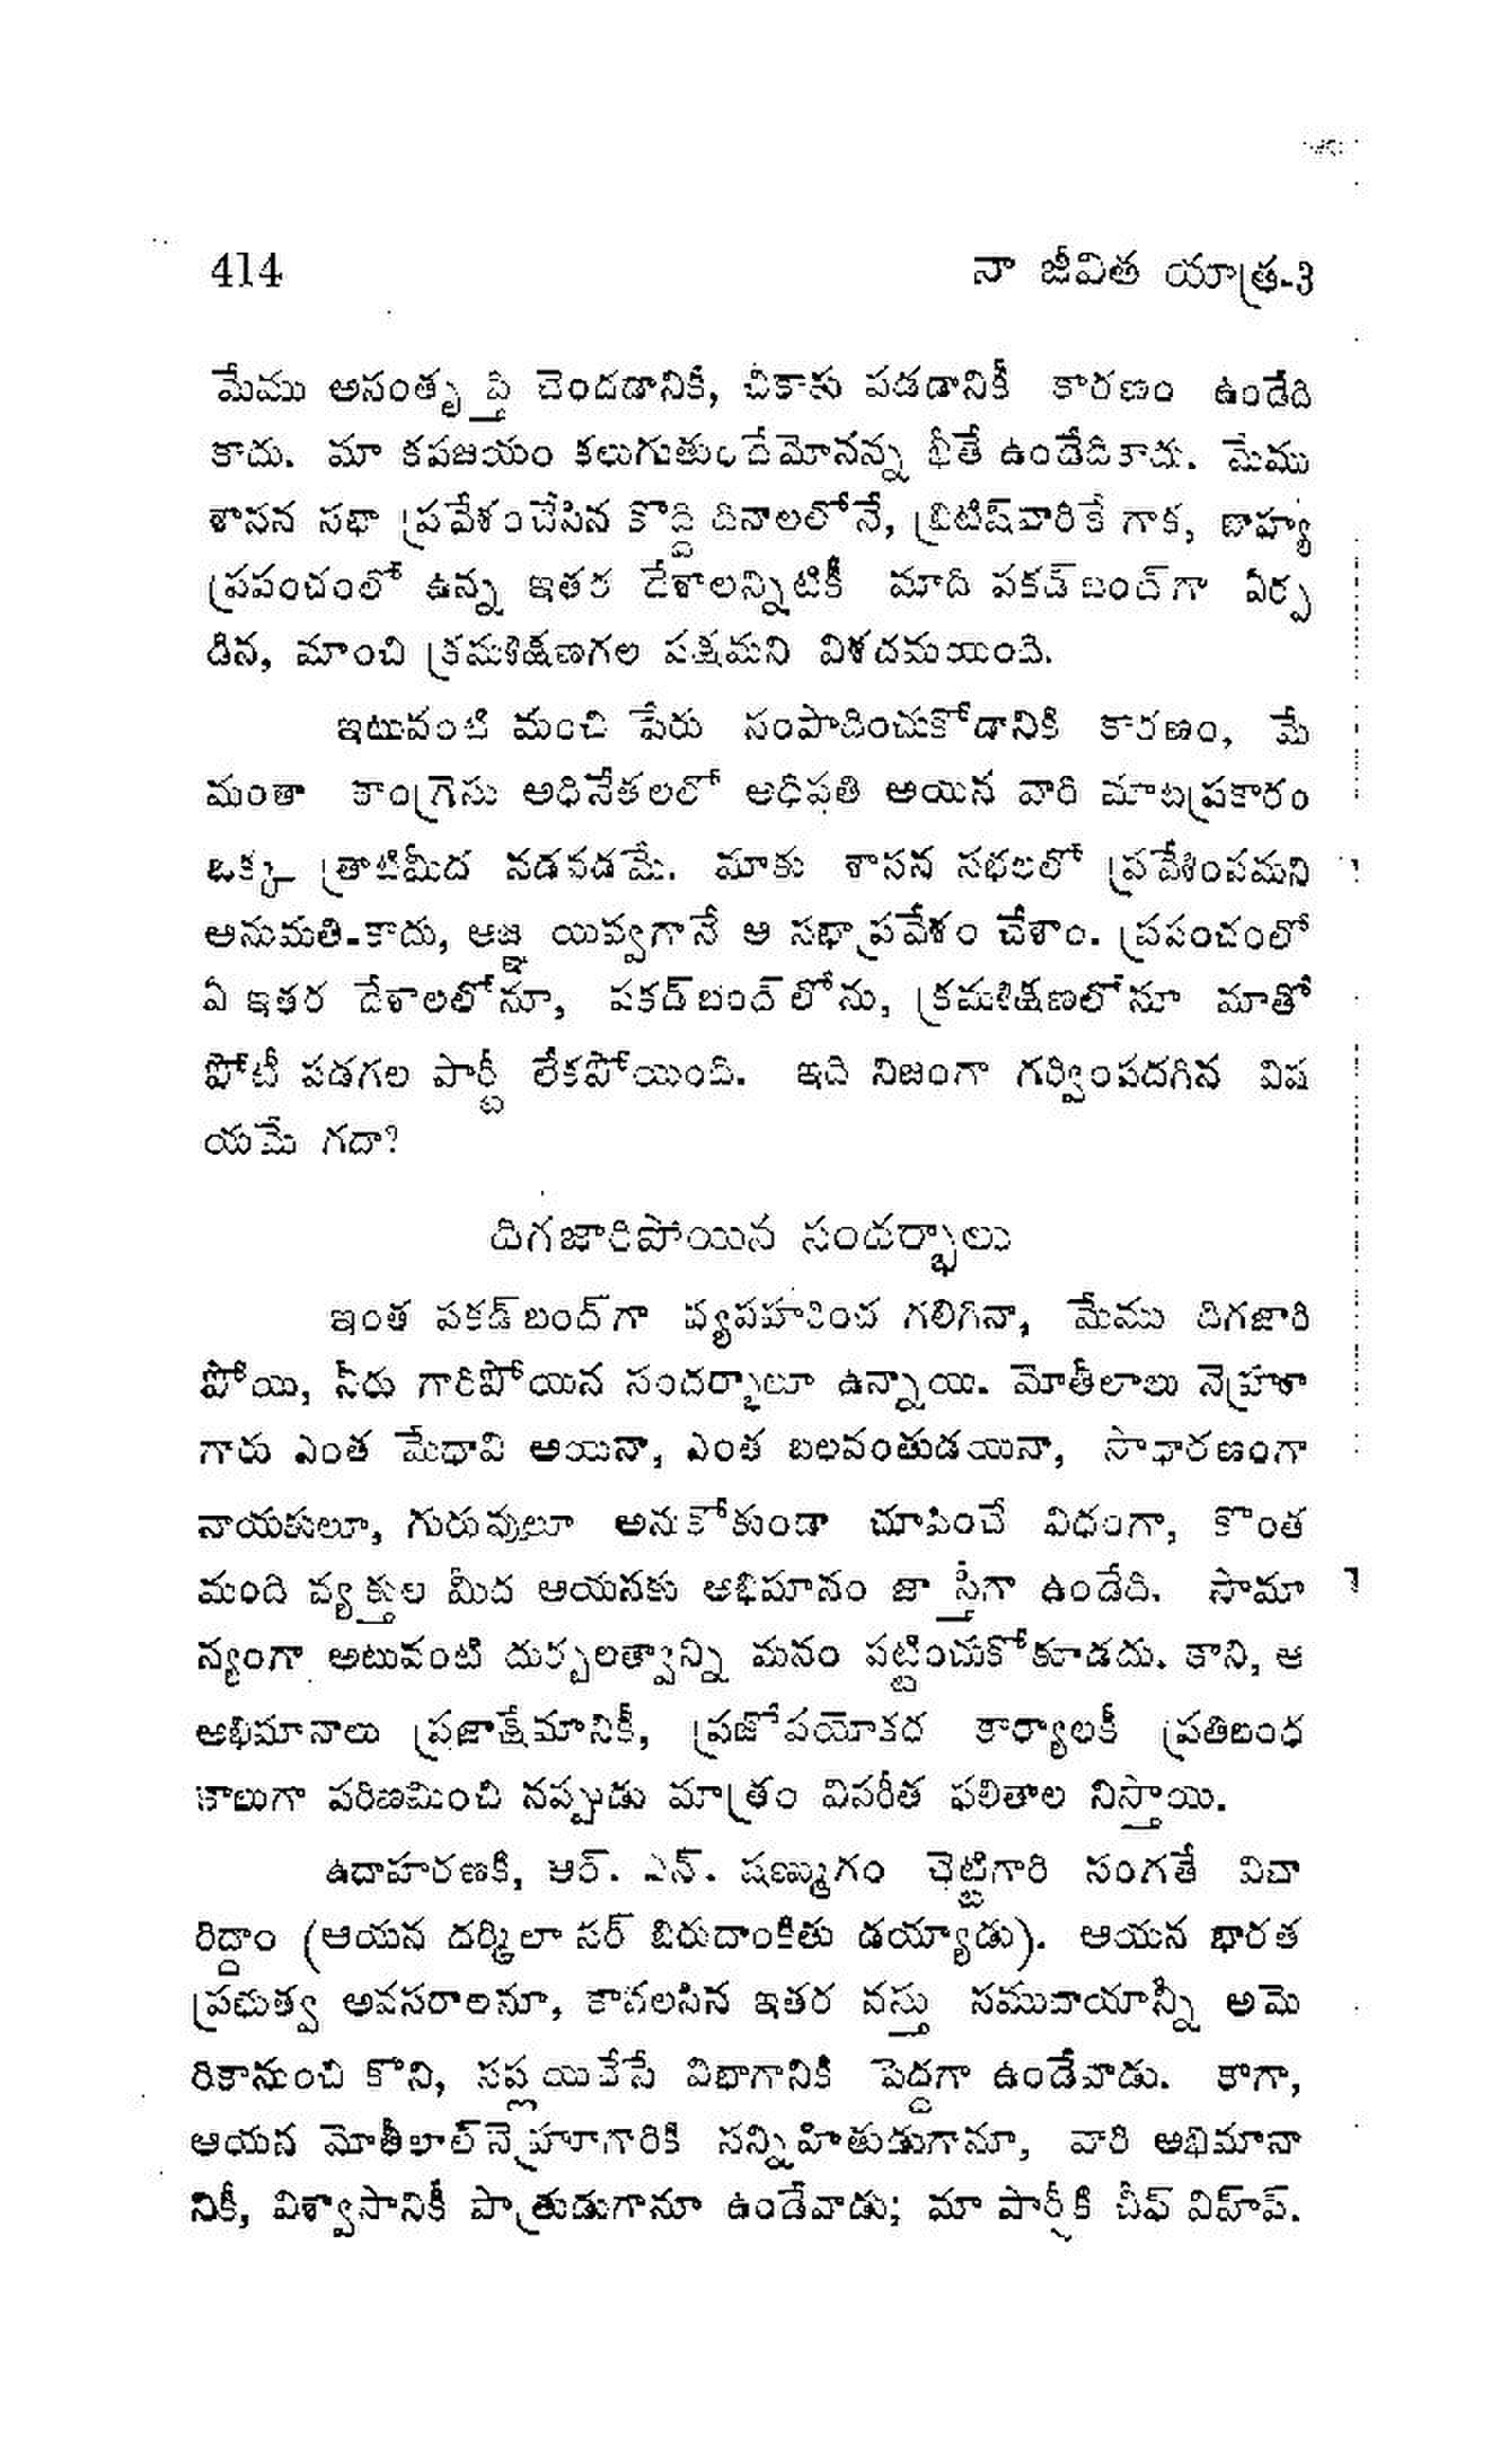మేము అసంతృప్తి చెందడానికి, చికాకు పడడానికీ కారణం ఉండేది కాదు. మా కపజయం కలుగుతుందేమోనన్న భీతే ఉండేదికాదు. మేము శాసన సభా ప్రవేశంచేసిన కొద్ది దినాలలోనే, బ్రిటిష్‌వారికే గాక, బాహ్య ప్రపంచంలో ఉన్న ఇతర దేశాలన్నిటికీ మాది పకడ్‌బంద్‌గా ఏర్పడిన, మాంచి క్రమశిక్షణగల పక్షమని విశదమయింది.

ఇటువంటి మంచి పేరు సంపాదించుకోడానికి కారణం, మే మంతా కాంగ్రెసు అధినేతలలో అధిపతి అయిన వారి మాటప్రకారం ఒక్క త్రాటిమీద నడవడమే. మాకు శాసన సభలలో ప్రవేశింపమని అనుమతి - కాదు, ఆజ్ఞ యివ్వగానే ఆ సభాప్రవేశం చేశాం. ప్రపంచంలో ఏ ఇతర దేశాలలోనూ, పకడ్‌బంద్‌లోను, క్రమశిక్షణలోనూ మాతో పోటీ పడగల పార్టీ లేకపోయింది. ఇది నిజంగా గర్వింపదగిన విషయమే గదా?

ఇంత పకడ్‌బంద్‌గా వ్యవహరించ గలిగినా, మేము దిగజారిపోయి, నీరు గారిపోయిన సందర్భాలూ ఉన్నాయి. మోతీలాలు నెహ్రూగారు ఎంత మేధావి అయినా, ఎంత బలవంతుడయినా, సాధారణంగా నాయకులూ, గురువులూ అనుకోకుండా చూపించే విధంగా, కొంత మంది వ్యక్తుల మీద ఆయనకు అభిమానం జాస్తీగా ఉండేది. సామాన్యంగా అటువంటి దుర్బలత్వాన్ని మనం పట్టించుకోకూడదు. కాని, ఆ అభిమానాలు ప్రజాక్షేమానికీ, ప్రజోపయోకర కార్యాలకీ ప్రతిబంధకాలుగా పరిణమించి నప్పుడు మాత్రం విపరీత ఫలితాల నిస్తాయి.

ఉదాహరణకి, ఆర్. ఎన్. షణ్ముగం చెట్టిగారి సంగతే విచారిద్దాం (ఆయన దర్మిలా సర్ బిరుదాంకితు డయ్యాడు). ఆయన భారత ప్రభుత్వ అవసరాలనూ, కావలసిన ఇతర వస్తు సముదాయాన్నీ అమెరికానుంచి కొని, సప్లయిచేసే విభాగానికి పెద్దగా ఉండేవాడు. కాగా, ఆయన మోతీలాల్‌నెహ్రూగారికి సన్నిహితుడుగానూ, వారి అభిమానానికీ, విశ్వాసానికీ పాత్రుడుగానూ ఉండేవాడు; మా పార్టీకి చీఫ్ విహ్‌ప్.